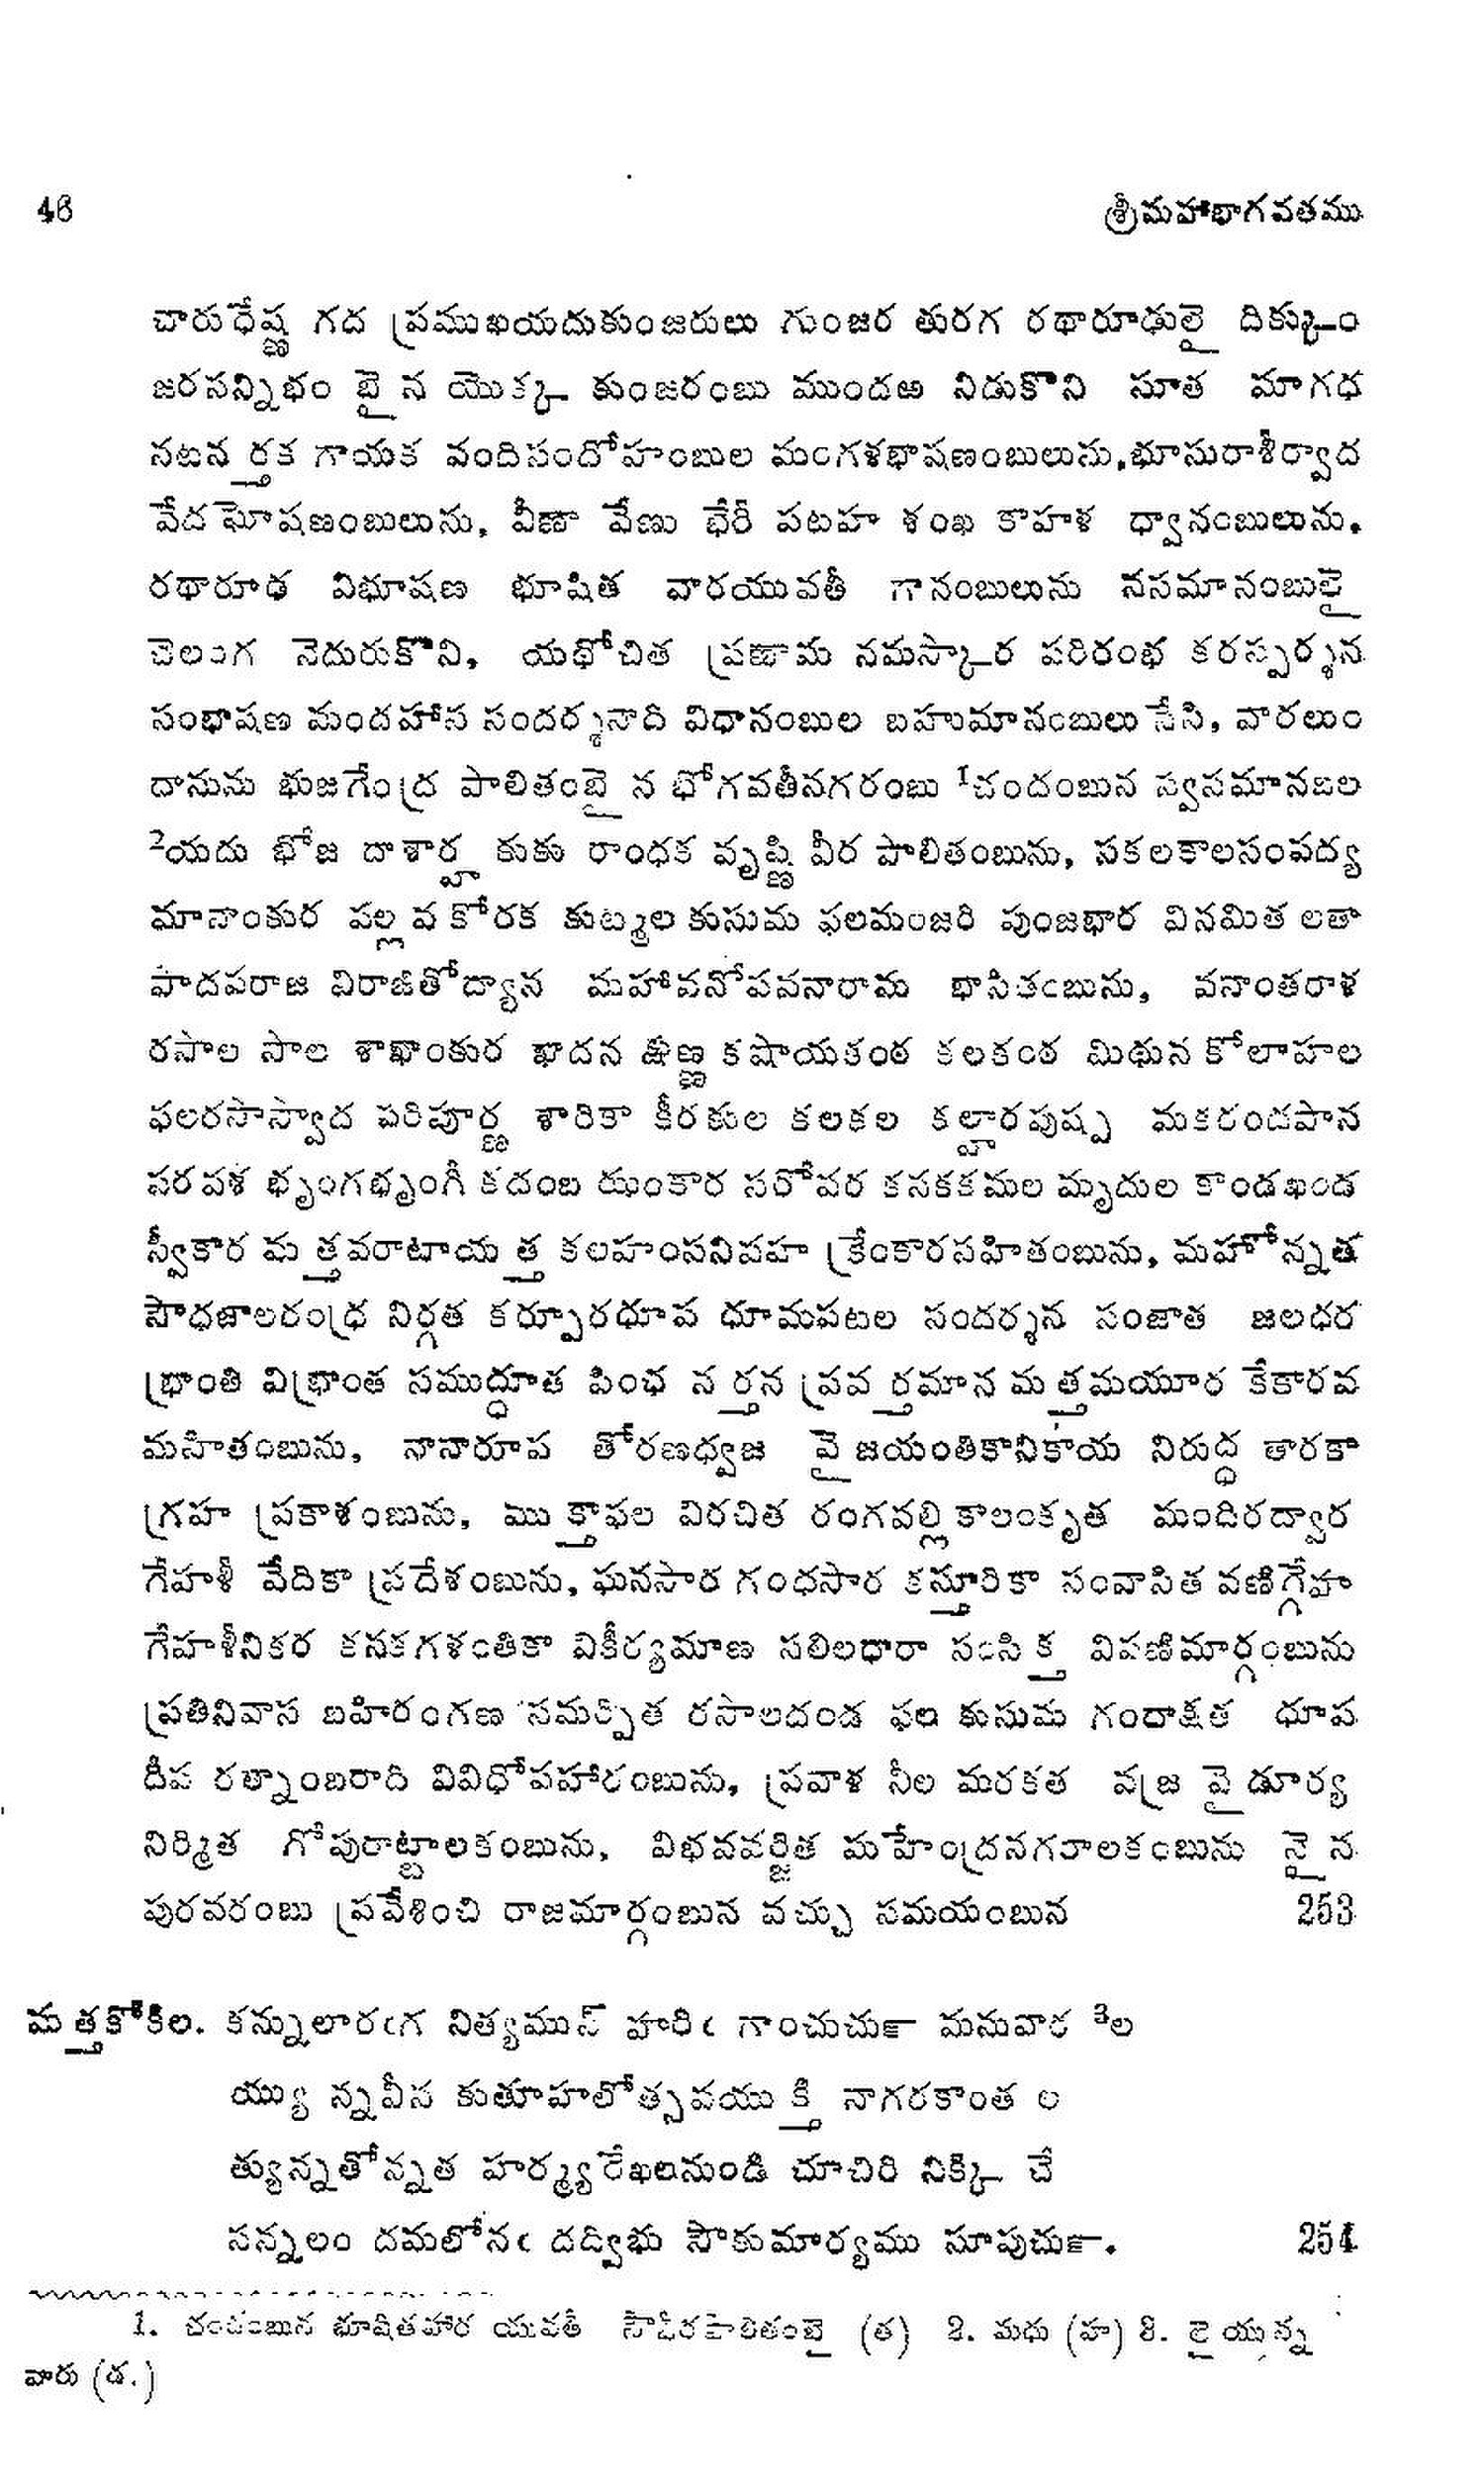46

చారుదేష్ణ గద ప్రముఖ యదుకుంజరులు గుంజర తురగ రథారూఢులై దిక్కుం

జరసన్నిభం బైన యొక్క కుంజరంబు ముందఱ నిడుకొని సూతమాగధ నట

నర్తక గాయక వందిసందోహంబుల మంగళభాషణంబులును, భూసురాశీర్వాద

వేదఘోషణంబులును, వీణా వేణు భేరీ పటహ శంఖ కాహళ ధ్వానంబులును,

రథారూఢ విభూషణ భూషిత వారయువతీ గానంబులును నసమానంబులై

చెలంగ నెదురుకొని, యథోచిత ప్రణామ నమస్కార పరిరంభ కరస్పర్శన

సంభాషణ మందహాస సందర్శనాది విధానంబుల బహుమానంబులు సేసి, వారలుం

దానును భుజగేంద్ర పాలితంబైన భోగవతీనగరంబు చందంబున స్వసమానబల

యదు భోజ దాశ్హార కుకురాంధక వృష్ణి వీర పాలితంబును, సకలకాల సంపద్య

మానాంకుర పల్లవ కోరక కుట్మల కుసుమ ఫలమంజరీ పుంజభార వినమిత లతా

పాదపరాజ విరాజితోద్యాన మహావనోపవనారామ భాసితంబును, వనాంతరాళ

రసాల సాల శాఖాంకుర ఖాదన క్షుణ్ణ కషాయకంఠ కలకంఠ మిథున కోలాహల

ఫలరసాస్వాద పరిపూర్ణ శారికా కీరకుల కలకల క్హలారపుష్ప మకరందపాన

పరవశ భృంగభృంగీ కదంబ ఝంకార సరోవర కనకకమల మృదుల కాండఖండ

స్వీకార మత్త పరటాయత్త కలహంసనివహ క్రేంకారసహితంబును, మహోన్నత

సౌధజాలరంధ్ర నిర్గత కర్పూరధూప ధూమపటల సందర్శన సంజాత జలధర

భ్రాంతి విభ్రాంత సముద్ధూత పింఛ నర్తనప్రవర్తమాన మత్తమయూర కేకారవ

మహితంబును, ముక్తాఫల విరచిత రంగవల్లికాలంకృత మందిరద్వార

గేహళీ వేదికా ప్రదేశంబును, ఘనసార గంధసార కస్తూరికా సంవాసిత వణిగ్గేహ

గేహళీ నికర కనకగళంతికా వికీర్యమాణ సలిలధారా సంసిక్త విపణిమార్గంబును,

ప్రతినివాస బహిరంగణ సమర్పిత రసాలదండ ఫల కుసుమ గంధాక్షత ధూప

దీప రత్నాంబరాది వివిధోపహారంబును, ప్రవాళ నీల మరకత వజ్ర వైఢూర్య

నిర్మిత గోపురాట్టాలకంబును, విభవనిర్జిత మహేంద్రనగరాలకంబును నైన

పురవరంబు ప్రవేశించి రాజమార్గంబున వచ్చు సమయంబున. 253

మత్తకోకిల.

కన్నులారఁగ నిత్యము¦ హరిఁ గాంచుచున్‌ మనువారల

య్యు న్నవీన కుతూహలోత్సవయుక్తి నాగరకాంత ల

త్యున్నతోన్నత హర్మ్యరేఖలనుండి చూచిరి నిక్కి చే

సన్నలం దమలోనఁ దద్విభు సౌకుమార్యము సూపుచు¦. 254